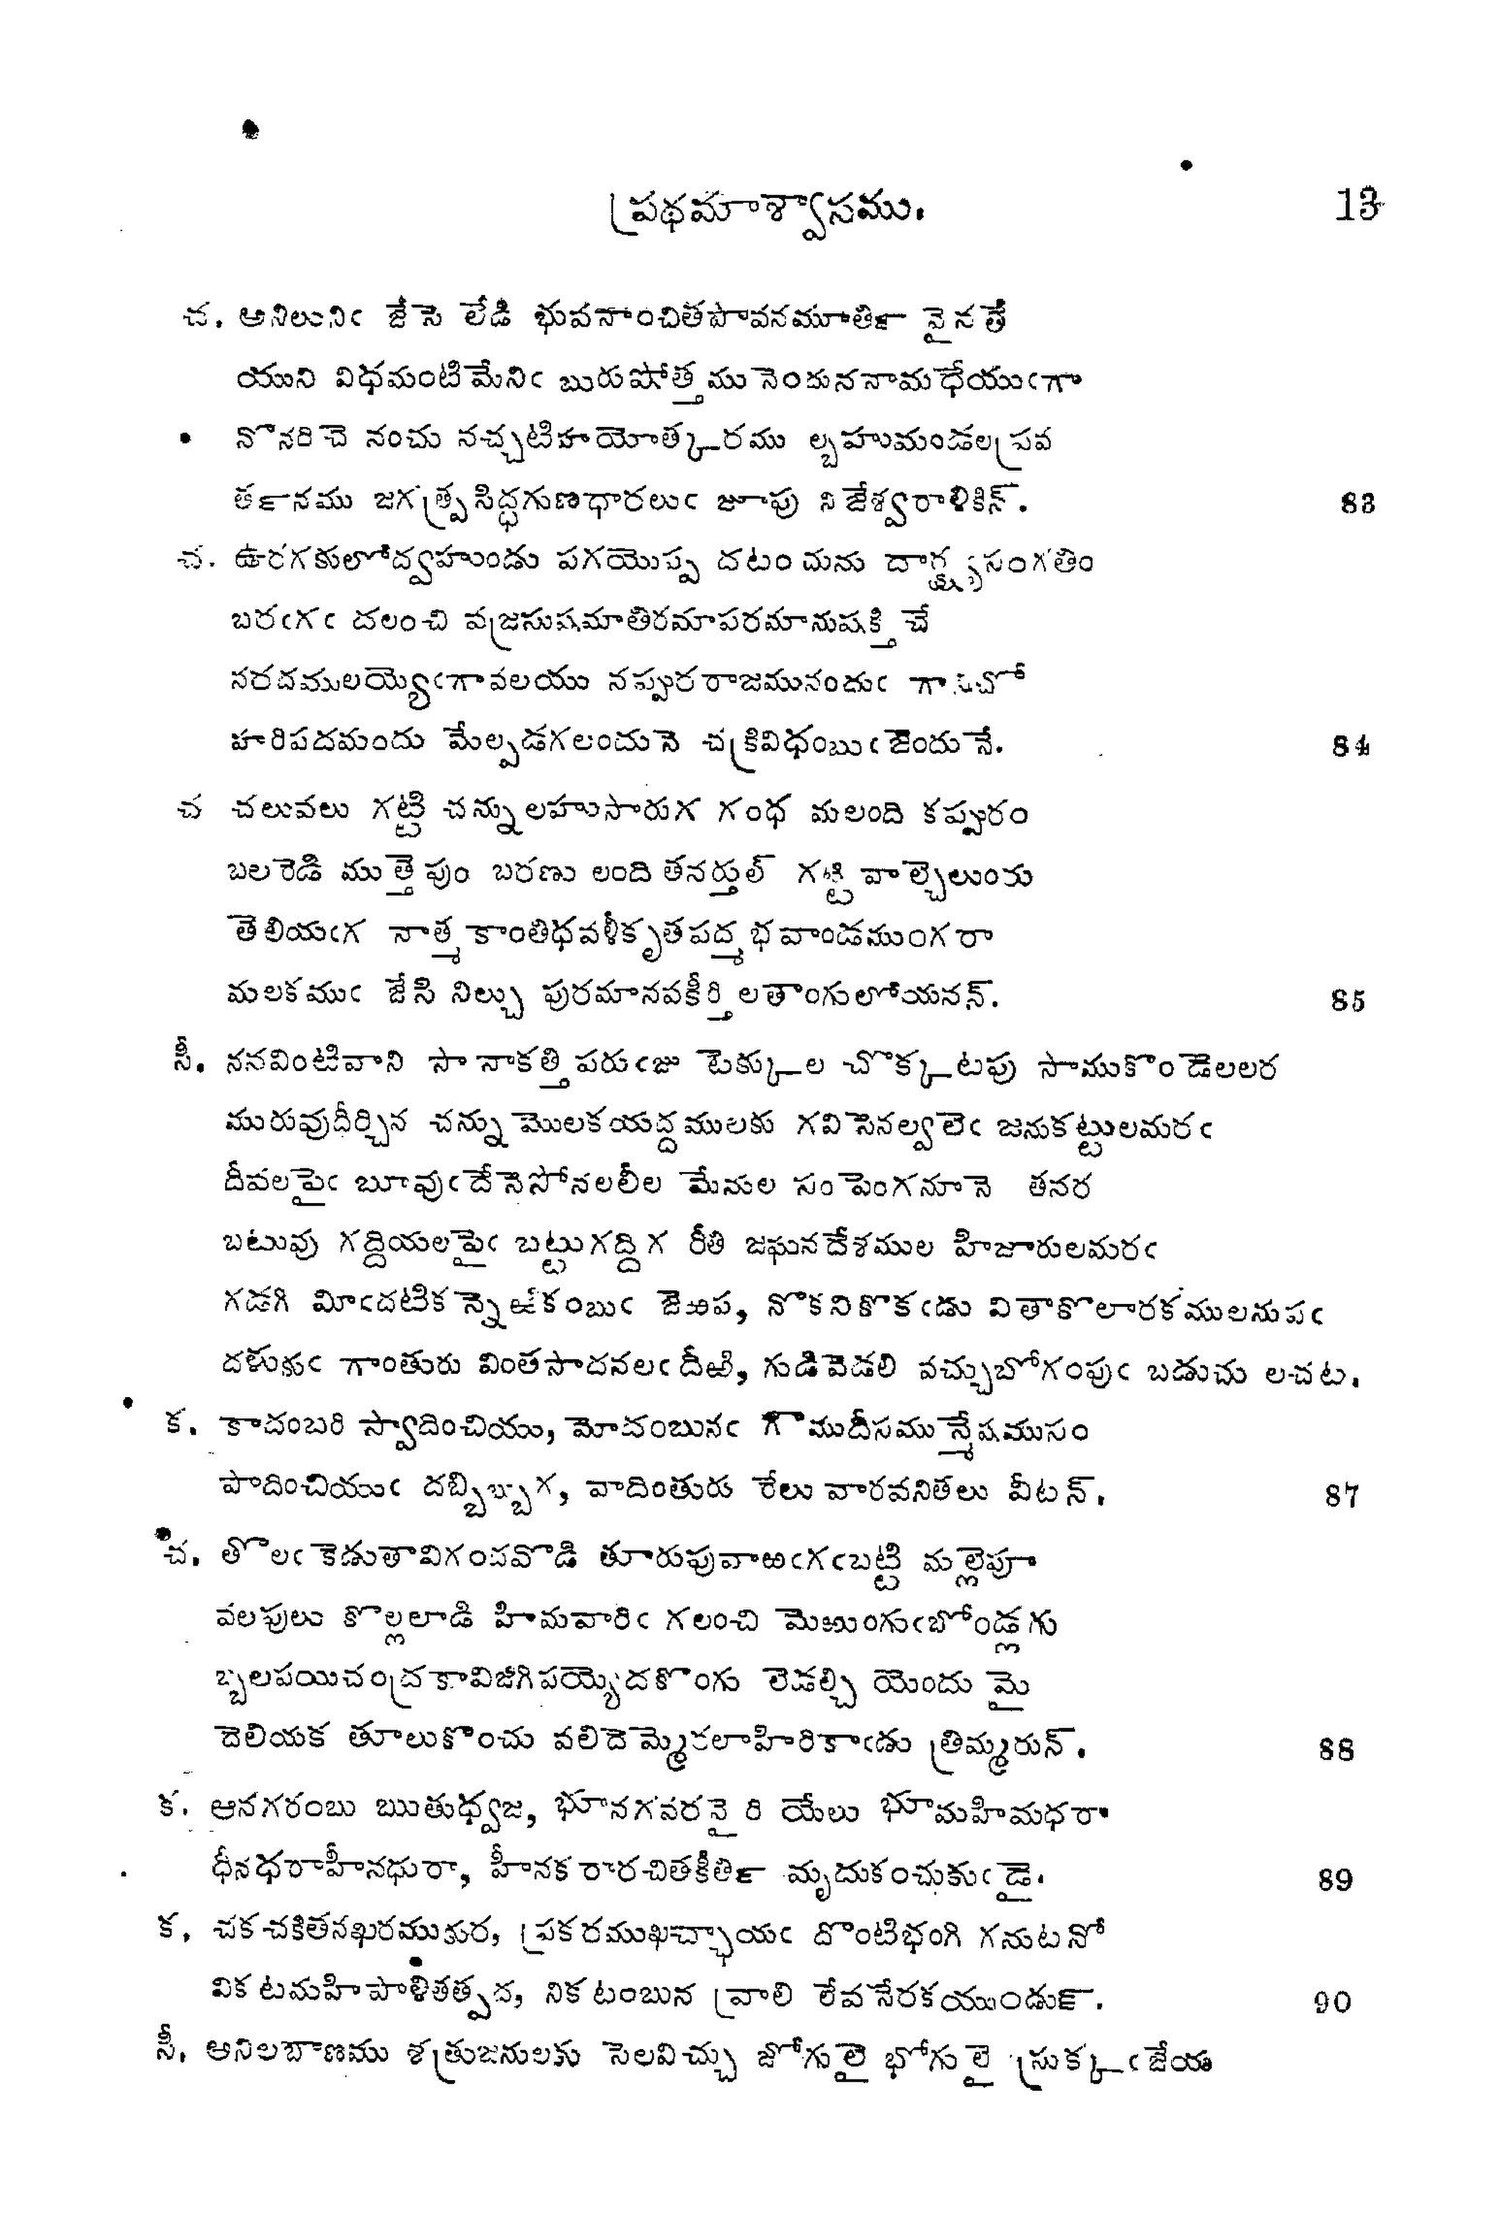చ. అనిలునిఁ జేసె లేడి భువనాంచితపావనమూర్తి వైనతే
యుని విధమంటిమేనిఁ బురుషోత్తము నెందున నామధేయుఁగా
నొనరిచె నంచు నచ్చటిహయోత్కరము ల్బహుమండలప్రవ
ర్తనము జగత్ప్రసిద్ధగుణధారలుఁ జూపు నిజేశ్వరాళికిన్.
చ. ఊరగకులోద్వహుండు పగ యొప్ప దటంచును దార్క్ష్యసంగతం
బరఁగఁ దలంచి వజ్రసుషమాతిరమాపరమానుషక్తిచే
నరదము లయ్యెఁ గావలయు నప్పురరాజమునందుఁ గానిచో
హరిపదమందు మేల్పడగలందునె చక్రివిధంబుఁ జెందునే.
చ. చలువలు గట్టి చన్నుల హుసారుగ గంధ మలంది కప్పురం
బలరెడి ముత్తెపుంబరణు లంది తనర్తుల్ గట్టి వాల్చెలుంరు
తెలియఁగ నాత్మకాంతిధవళీకృతపద్మభవాండముం గరా
మలకముఁ జేసి నిల్చు పురమానవకీర్తిలతాంగులో యనన్.
సీ. ననవింటివాని సానాకత్తి పరుఁజు టెక్కుల చొక్కటపు సాముకొండె లలర
మురువుదీర్చిన చన్నుమొలక యద్దములకు గవిసెనల్వలెఁ జనుకట్టు లమరఁ
దీవలపైఁ బూవుఁదేనెసోనలలీల మేనుల సంపెంగనూనె తనర
బటువు గద్దియలపైఁ బట్టుగద్దిగ రీతి జఘనదేశముల హిజారు లమరఁ
గడగి మీఁదటికన్నెఱికంబుఁ జెఱప, నొకనికొకఁడు వితాకొలారకము లనుపఁ
దళుకుఁ గాంతురు వింతసాదనలఁ దీఱి, గుడి వెడలి వచ్చుబోగంపుఁబడుచు లచట.
క. కాదంబరి స్వాదించియు, మోదంబునఁ గౌముదీసమున్మేషము సం
పాదించియుఁ దబ్బిబ్బుగ, వాదింతురు రేలు వారవనితలు వీటన్.
చ. తొలఁకెడుతావిగంపవొడి తూరుపువాఱఁగఁబట్టి మల్లెపూ
వలపులు కొల్లలాడి హిమవారిఁ గలంచి మెఱుంగుఁబోండ్లగు
బ్బలపయి చంద్రకావిజిగిపయ్యెదకొంగు లెడల్చి యెందు మై
దెలియక తూలుకొంచు వలిదెమ్మెరలాహిరికాఁడు త్రిమ్మరున్.
క. ఆనగరంబు ఋతుధ్వజ, భూనగవరవైరి యేలు భూమహిమధరా
ధీనధరాహీనధురా, హీనకరారచితకీర్తి మృదుకంచుకుఁడై.
క. చకచకితనఖరముకుర, ప్రకరముఖచ్ఛాయఁ దొంటిభంగి గనుటనో
వికటమహిపాళి తత్పద, నికటంబున వ్రాలి లేవనేరకయుండున్.
సీ. అనిలబాణము శత్రుజనులకు సెలవిచ్చు జోగులై భోగులై స్రుక్కఁజేయ